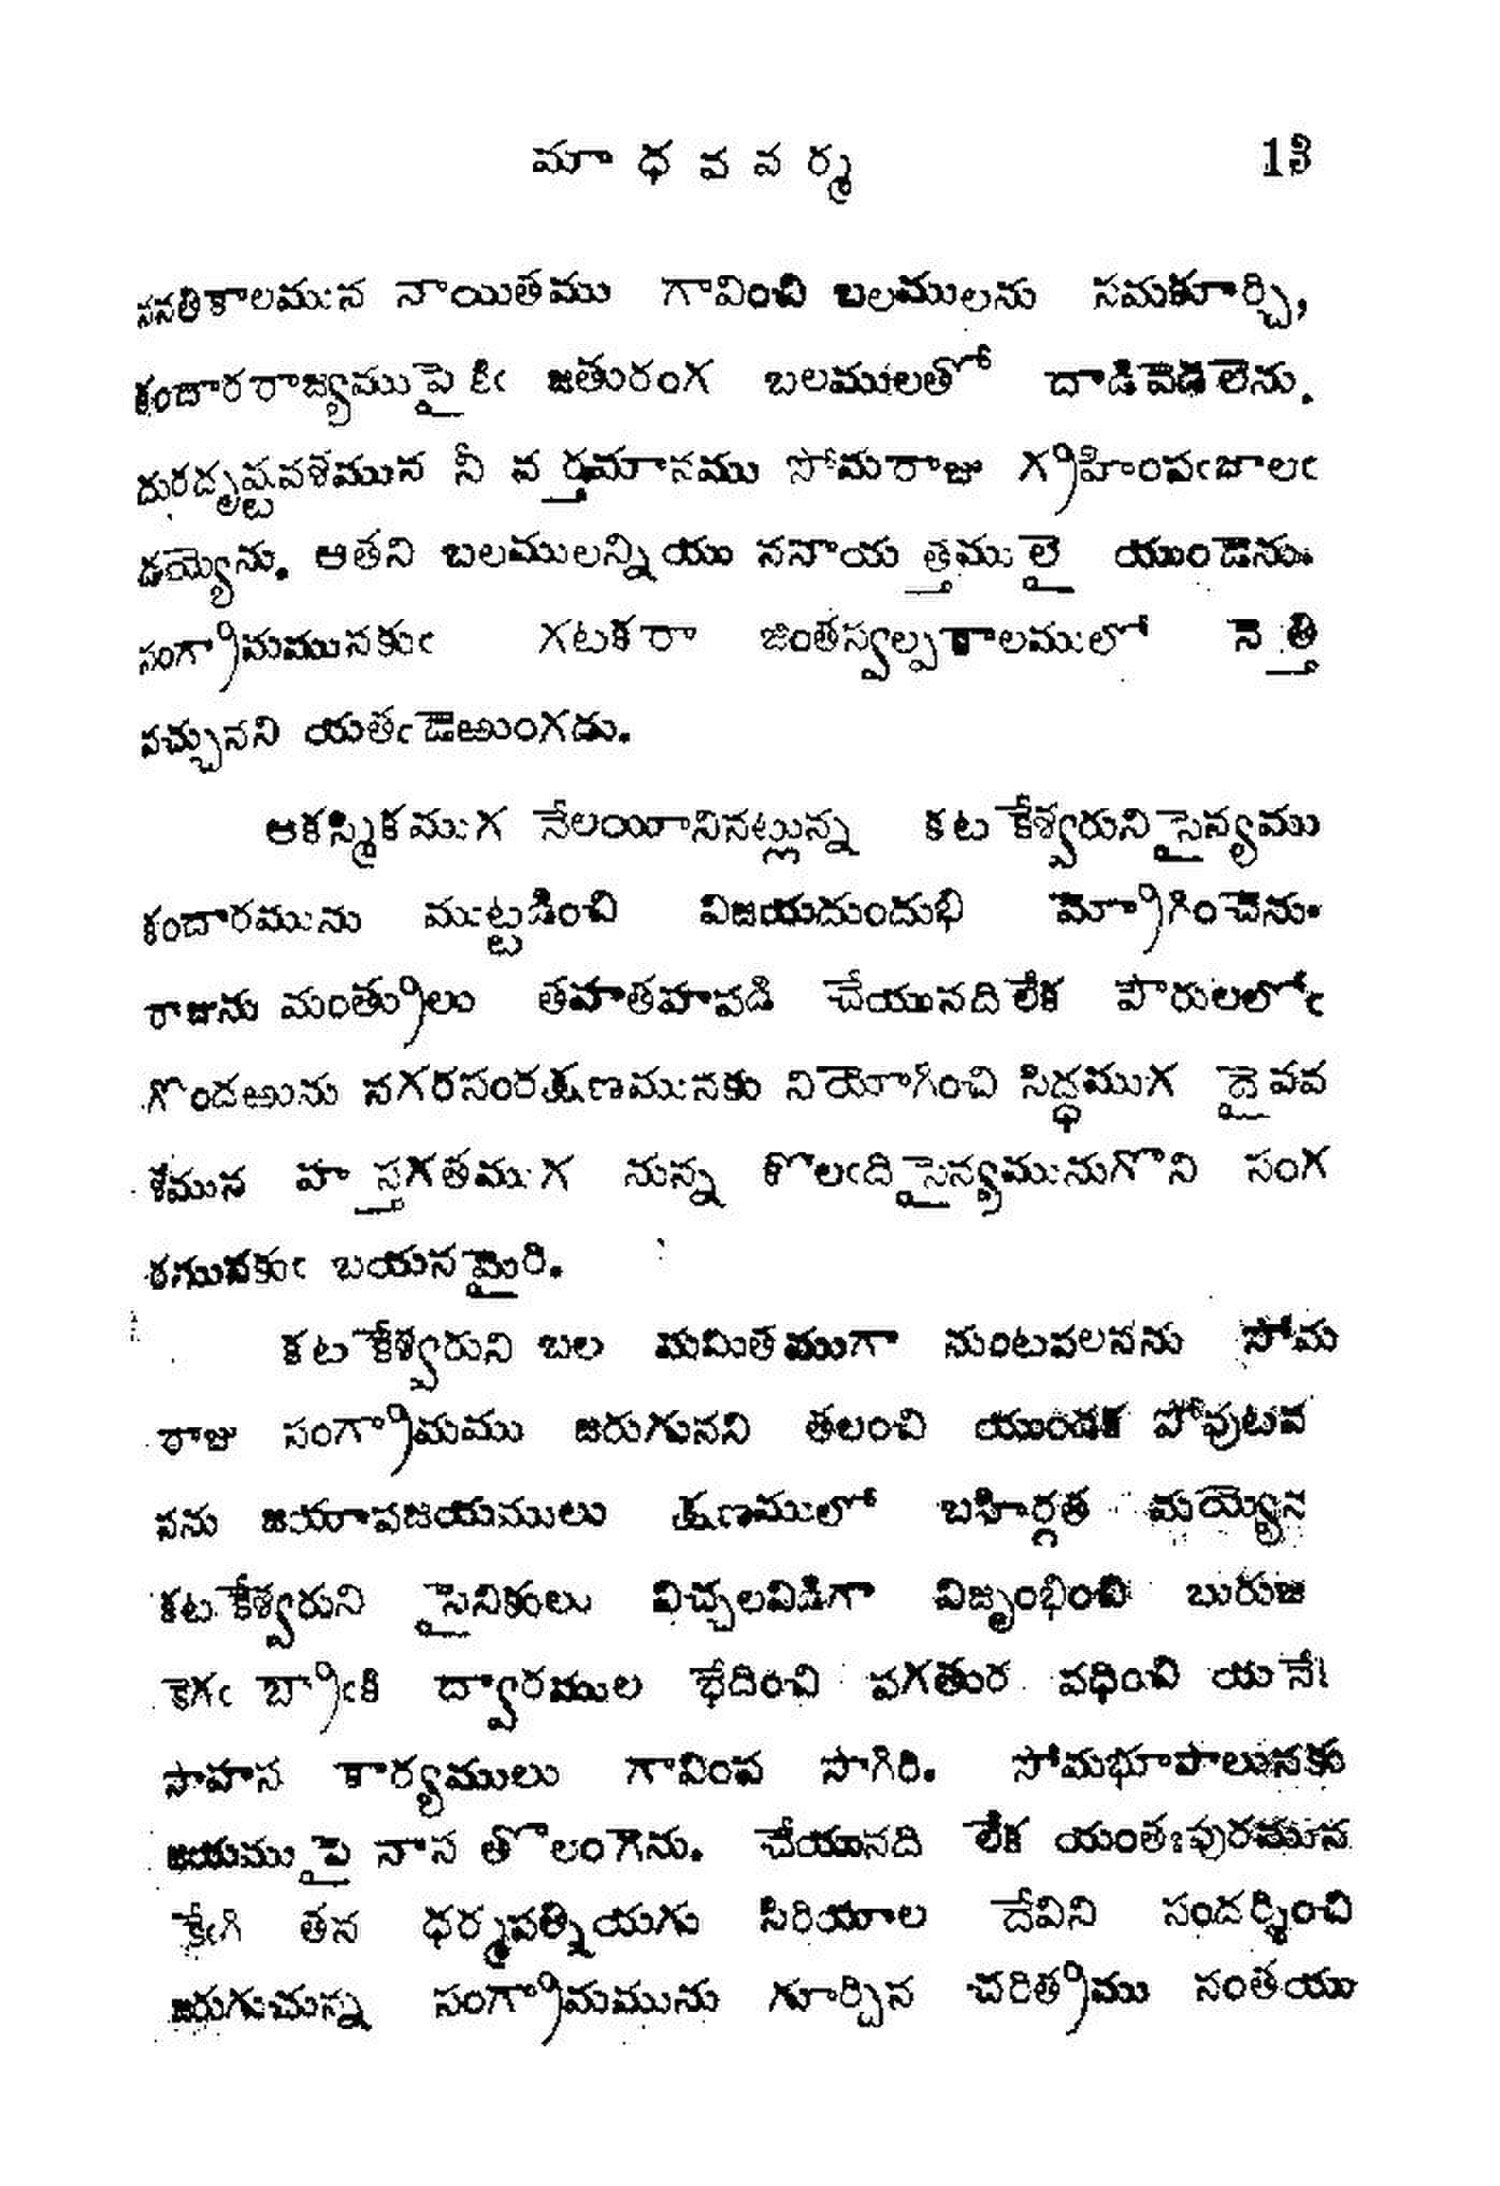ననతికాలమున నాయితము గావించి బలములను సమకూర్చి, కందారరాజ్యము ప్తెకి జతురంగ బలములతో దాడివెడలెను. దురదృష్టవశమున నీ వర్థమానము సోమరాజు గ్రుహింపజాలడయ్యెను.అతని బలములన్నియు ననాయత్తముల్తె యుండెను. సంగ్రామమునకు గటకరా జింతస్వల్ఫకాలములో నెత్తి వచ్చుని యతడెఱుంగడు. 
 
ఆకస్మికముగ నేలయీనినట్లున్న కటకేశ్వరుని సైన్యము కందారమును ముట్ట్టడించి విజయదుందుభి మ్రోగించెను.రాజును మంత్రులు తహతహపడి చేయునదిలేక పౌరులలో గొందఱును నగరసంరక్షణమునకు నియోగించి సిద్డముగ దైవవశమున హస్తగతముగ నున్న కొలది సైన్యమునుగొని సంగరమునకు బయనమైరి
 
కటకేశ్వరుని బల మమితముగా నుంటవలనను సోమరాజు సంగ్ర్రామము జరుగునని తలంచి యుండక పోవుటవలనను జయాపజయములు క్షణములో బహిర్గత మయ్యెను. కటకేశ్వరుని సైనికులు విచ్చలవిడిగా విజృంభించి ఋరుజుల కెగ బ్రాకి ద్వారముల భేదించి పగతుర వధించి యనేక సాహస కార్యాములు గావింప సాగిరి. సోమభూపాలునకు జయముపై నాస తొలంగెను. చేయునది లేక యంతఃపురమున కేగి తన దర్మపత్నియగు సిరియాల దేవిని సందర్శించి జరుగుచున్న సంగ్రామమును గూర్చిన చరిత్రము నంతయు